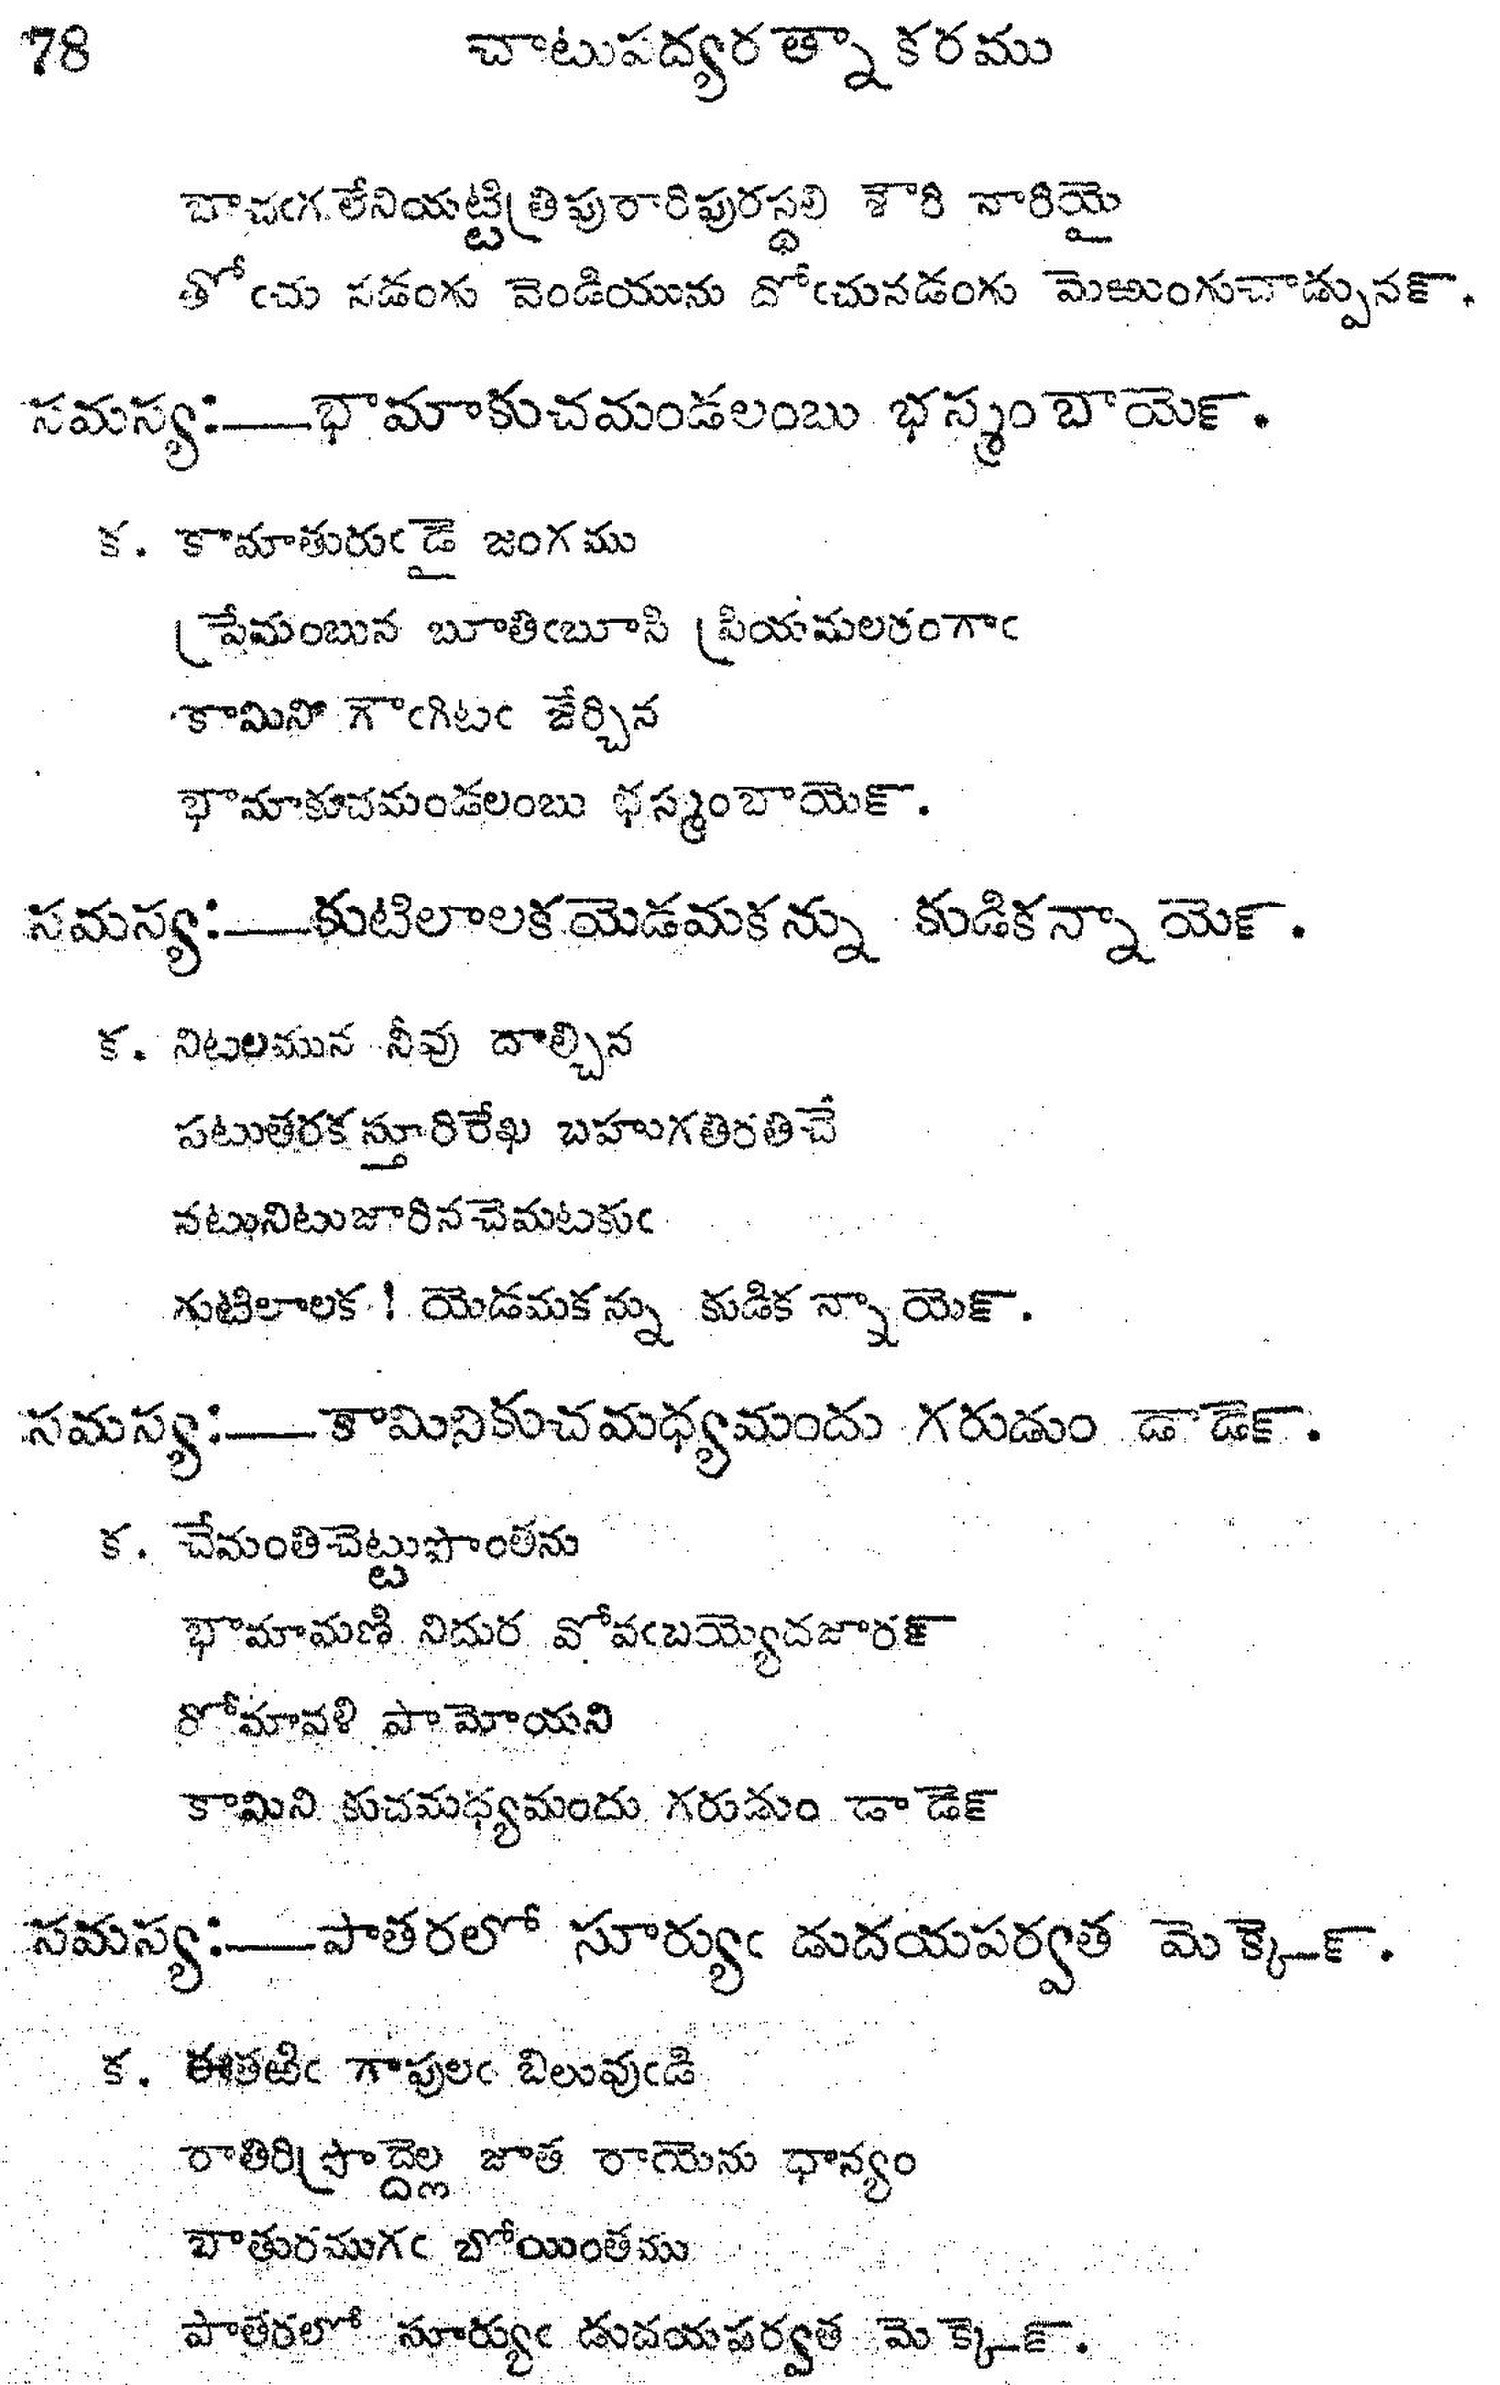బాచఁగలేనియట్టిత్రిపురారిపురస్థలి శౌరి నారియై
 దోఁచునడంగు వెండియును దోఁచునడంగు మెఱుంగుచాడ్పునన్.

సమస్య:—భామాకుచమండలంబు భస్మంబాయెన్
క. కామాతురుఁడై జంగము
 ప్రేమంబున బూతిఁబూసి ప్రియ మలరంగాఁ
 కామిని గౌఁగిటఁ జేర్చిన
 భామాకుచమండలంబు భస్మంబాయెన్.

సమస్య:—కుటిలాలకయెడమకన్ను కుడికన్నాయెన్

క. నిటలమున నీవు దాల్చిన
 పటుతరకస్తూరిరేఖ బహుగతిరతిచే
 నటునిటుజారినచెమటకుఁ
 గుటిలాలక! యెడమకన్ను కుడికన్నాయెన్.

సమస్య:—కామినికుచమధ్యమందు గరుడుం డాడెన్

క. చేమంతిచెట్టుపొంతను
 భామామణి నిదుర వోవఁ బయ్యెద జారన్
 రోమావళి పామోయని
 కామిని కుచమధ్యమందు గరుడుం డాడెన్.

సమస్య:—పాతరలో సూర్యుఁ డుదయపర్వత మెక్కెన్

క. ఈతఱిఁ గాపులఁ బిలువుఁడి
 రాతిరిప్రొద్దెల్ల జాత రాయెను ధాన్యం
 బాతురముగఁ బోయింతము
 పాతరలో సూర్యుఁ డుదయపర్వత మెక్కెన్.